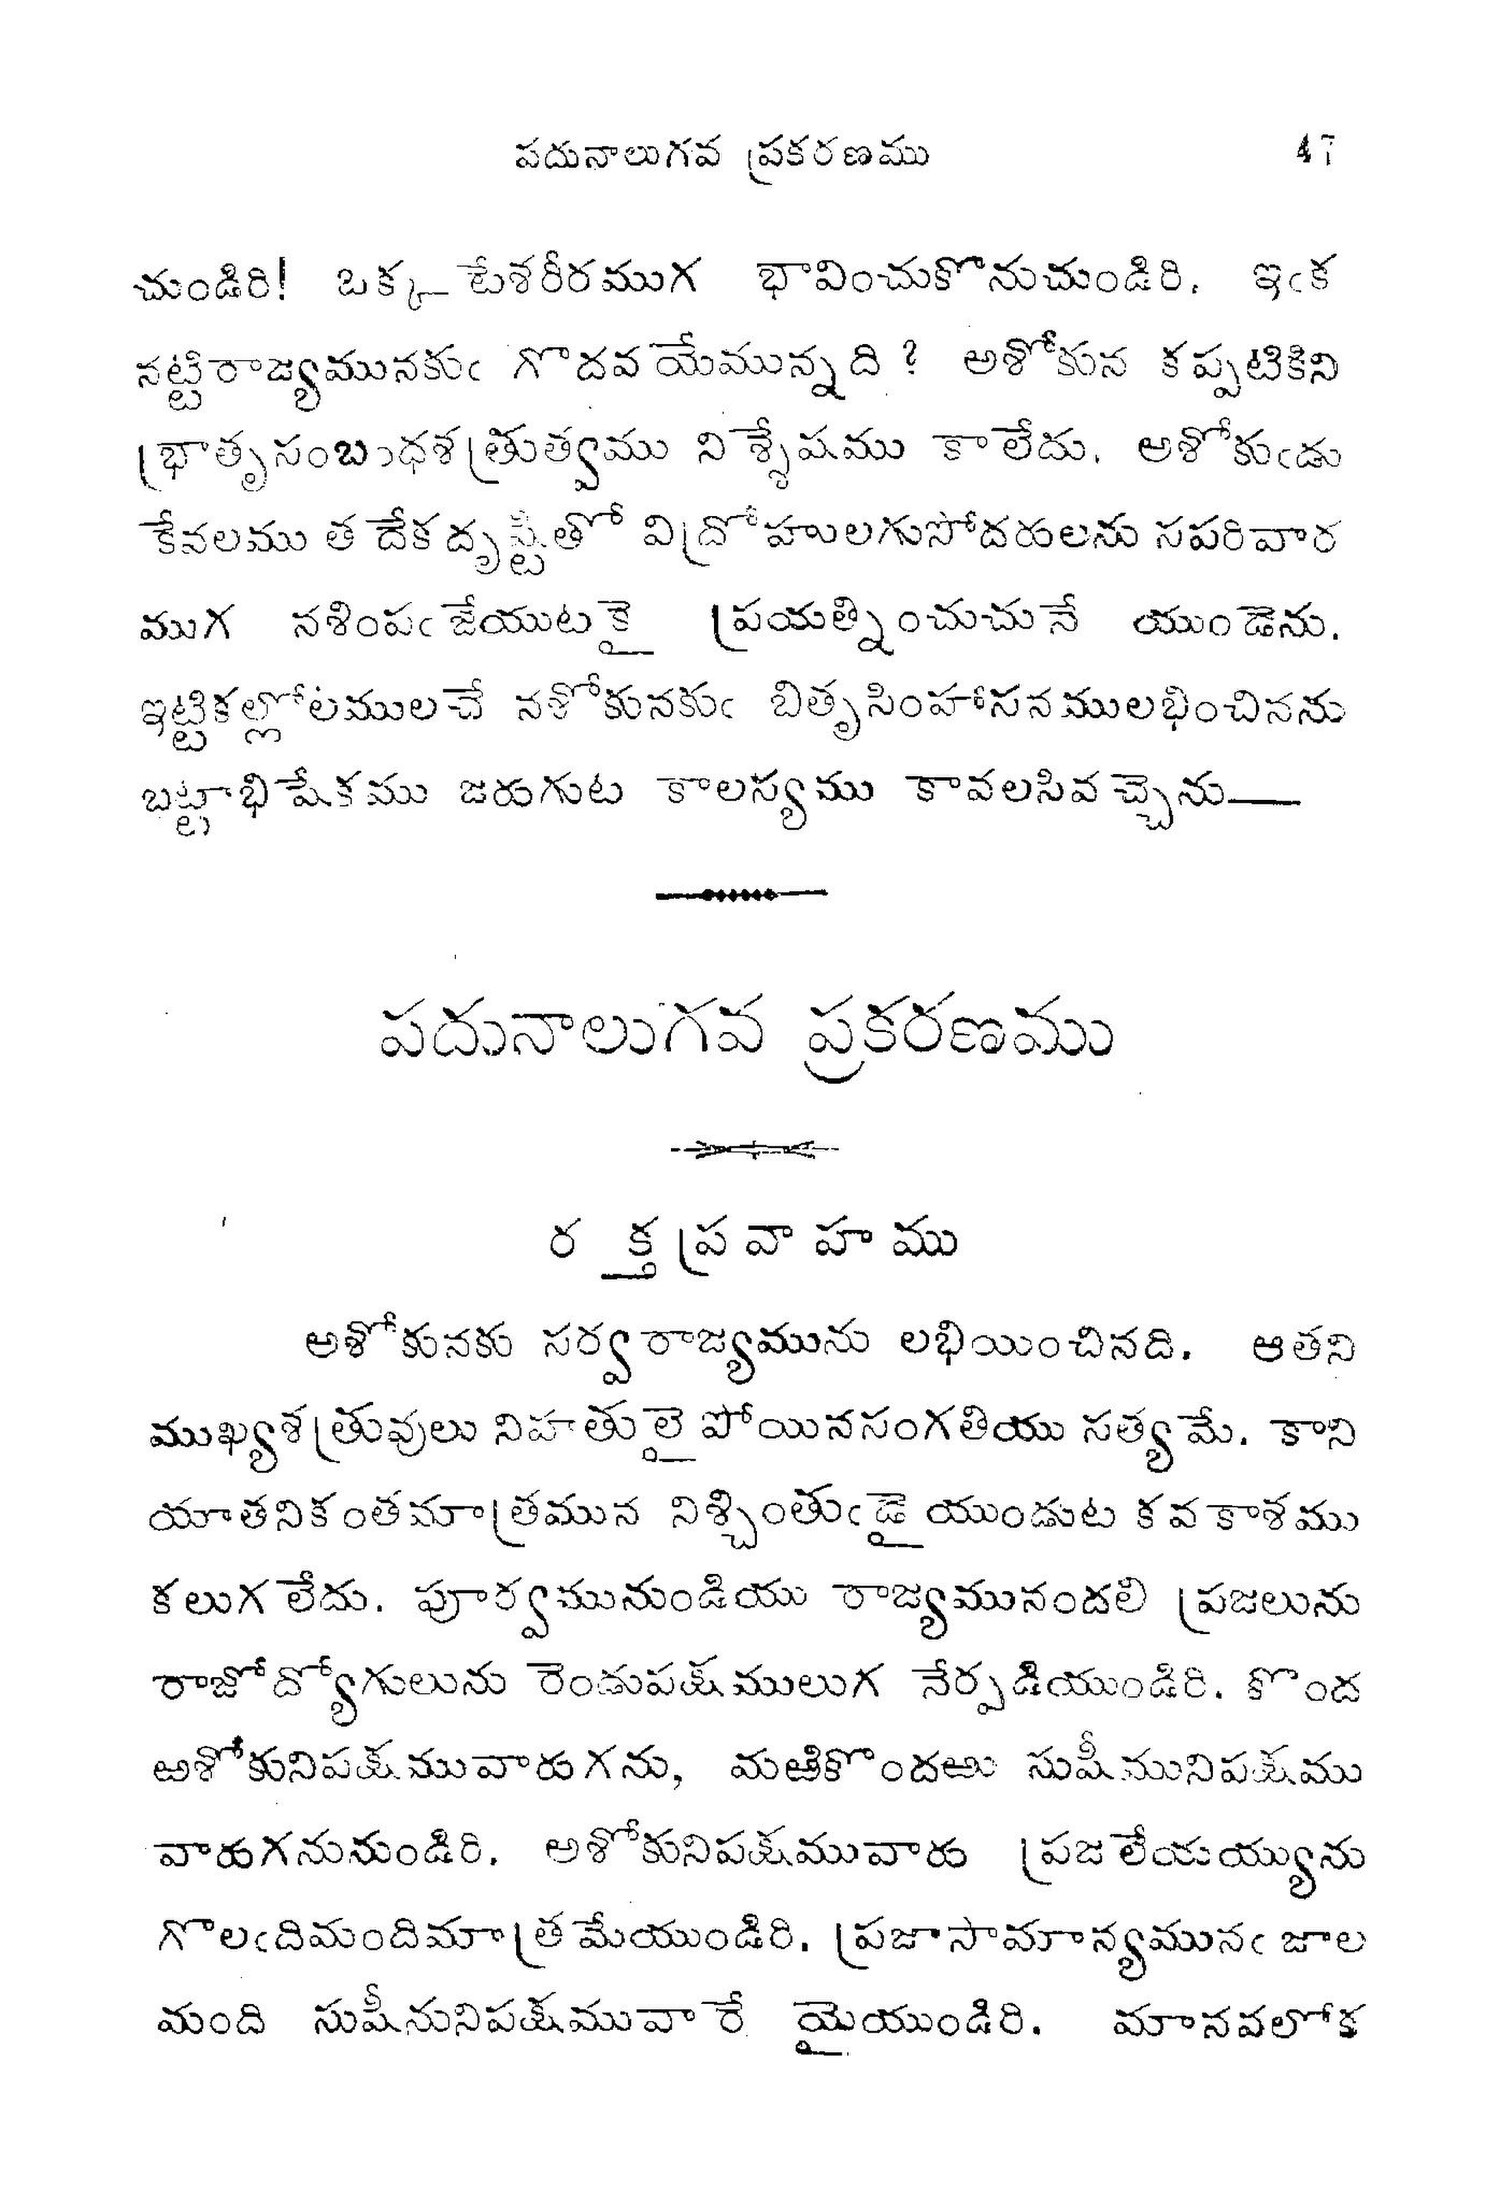చుండిరి! ఒక్క టేశరీరముగ భావించుకొనుచుండిరి. ఇఁకనట్టి రాజ్యమునకుఁ గొదవ యేమున్నది ? అశోకున కప్పటికిని భ్రాతృసంబంధశత్రుత్వము నిశ్శేషము కాలేదు. అశోకుఁడు
కేవలము తదేక దృష్టితో విద్రోహులగుసోదరులను సపరివారముగ నశింపఁ జేయుటకై ప్రయత్నించుచు నే యుండెను. ఇట్టికల్లోలములచే నశోకునకుఁ బితృసింహాసనము లభించినను బట్టాభి షేకము జరుగుట కాలస్యము కావలసివచ్చెను——

పదునాలుగవ ప్రకరణము

అశోకునకు సర్వరాజ్యమును లభియించినది. ఆతని ముఖ్యశత్రువులు నిహతులై పోయిన సంగతియు సత్యమే. కాని యాతనికంతమాత్రమున నిశ్చింతుఁడై యుండుట కవకాశము కలుగ లేదు. పూర్వమునుండియు రాజ్యమునందలి ప్రజలును రాజోద్యోగులును రెండుపక్ష ములుగ నేర్పడియుండిరి. కొందఱశోకునిపకక్ష మువారుగను, మణికొందఱు సుషీమునిపక్షము వారుగనునుండిరి. అశోకునిపక్షమువారు ప్రజ లేయయ్యును గొలఁదిమందిమాత్ర మేయుండిరి. ప్రజాసామాన్యమునఁ జాలమంది. సుషీనునిపక్షము వారే యైయుండిరి. మానవలోక